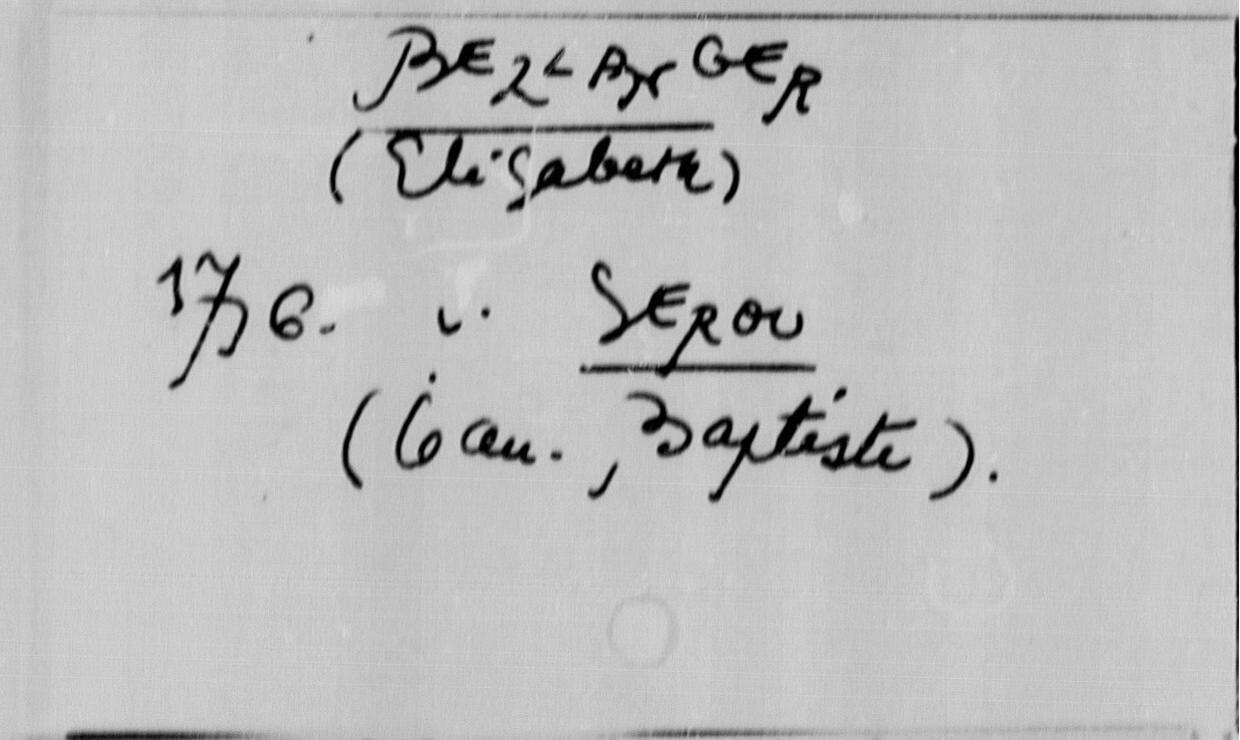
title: BELLANGER (Élisabeth)
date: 1716
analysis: Voir SEROU (Jean-Baptiste)
